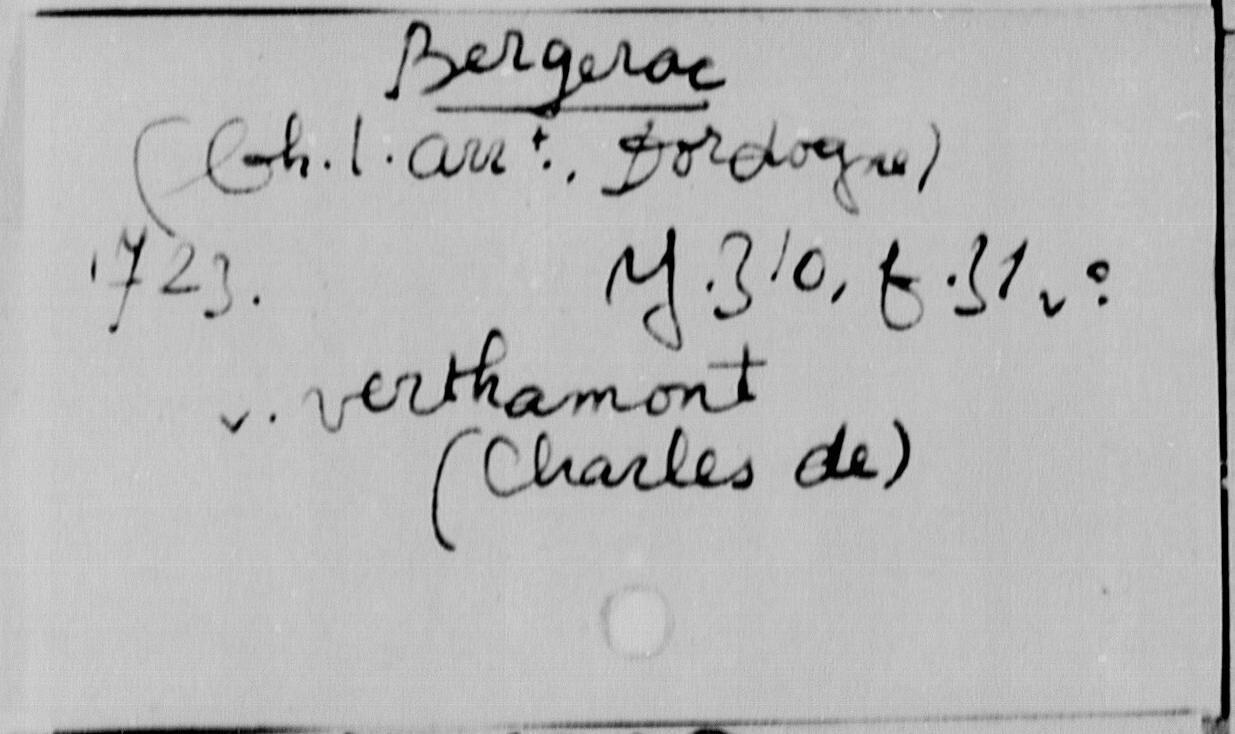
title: Bergerac (Chef-lieu arrondissement, Dordogne)
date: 1723
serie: Y
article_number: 310
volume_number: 31v
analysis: Voir : VERTHAMONT (Charles de)
